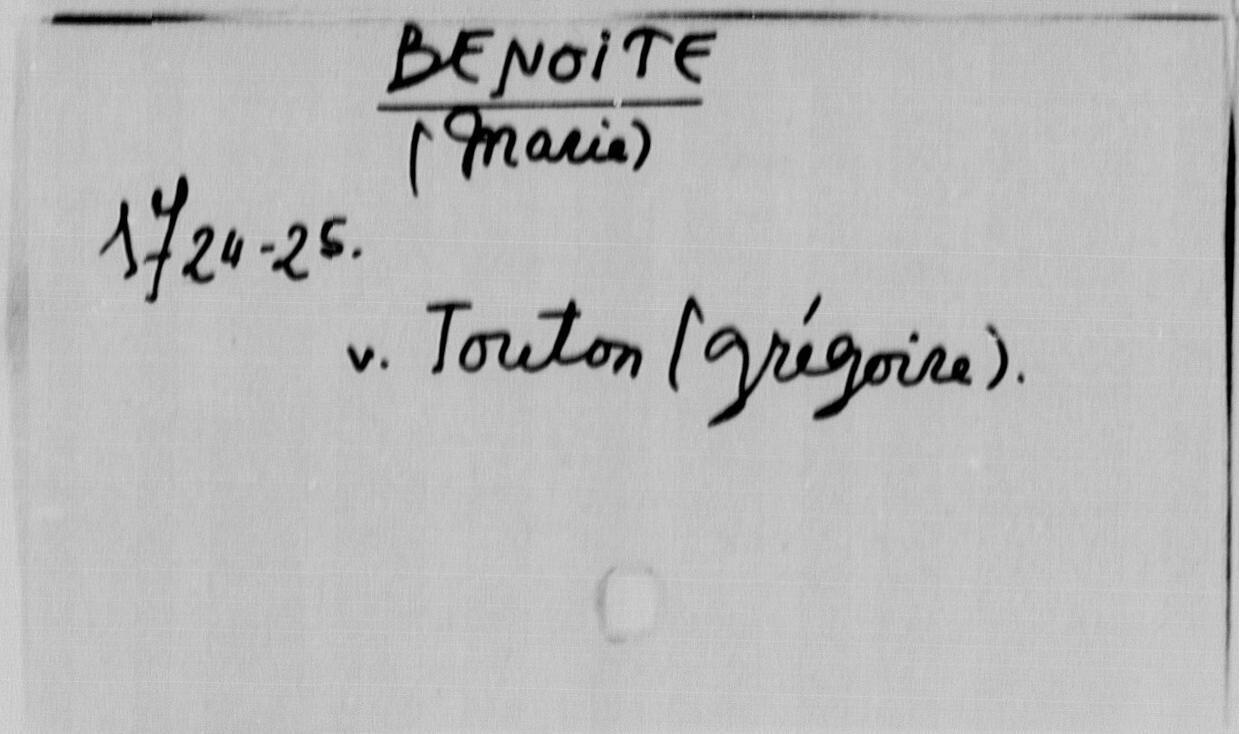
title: BENOITE (Marie)
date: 1724-1725
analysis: Voir : Touton (Grégoire)
